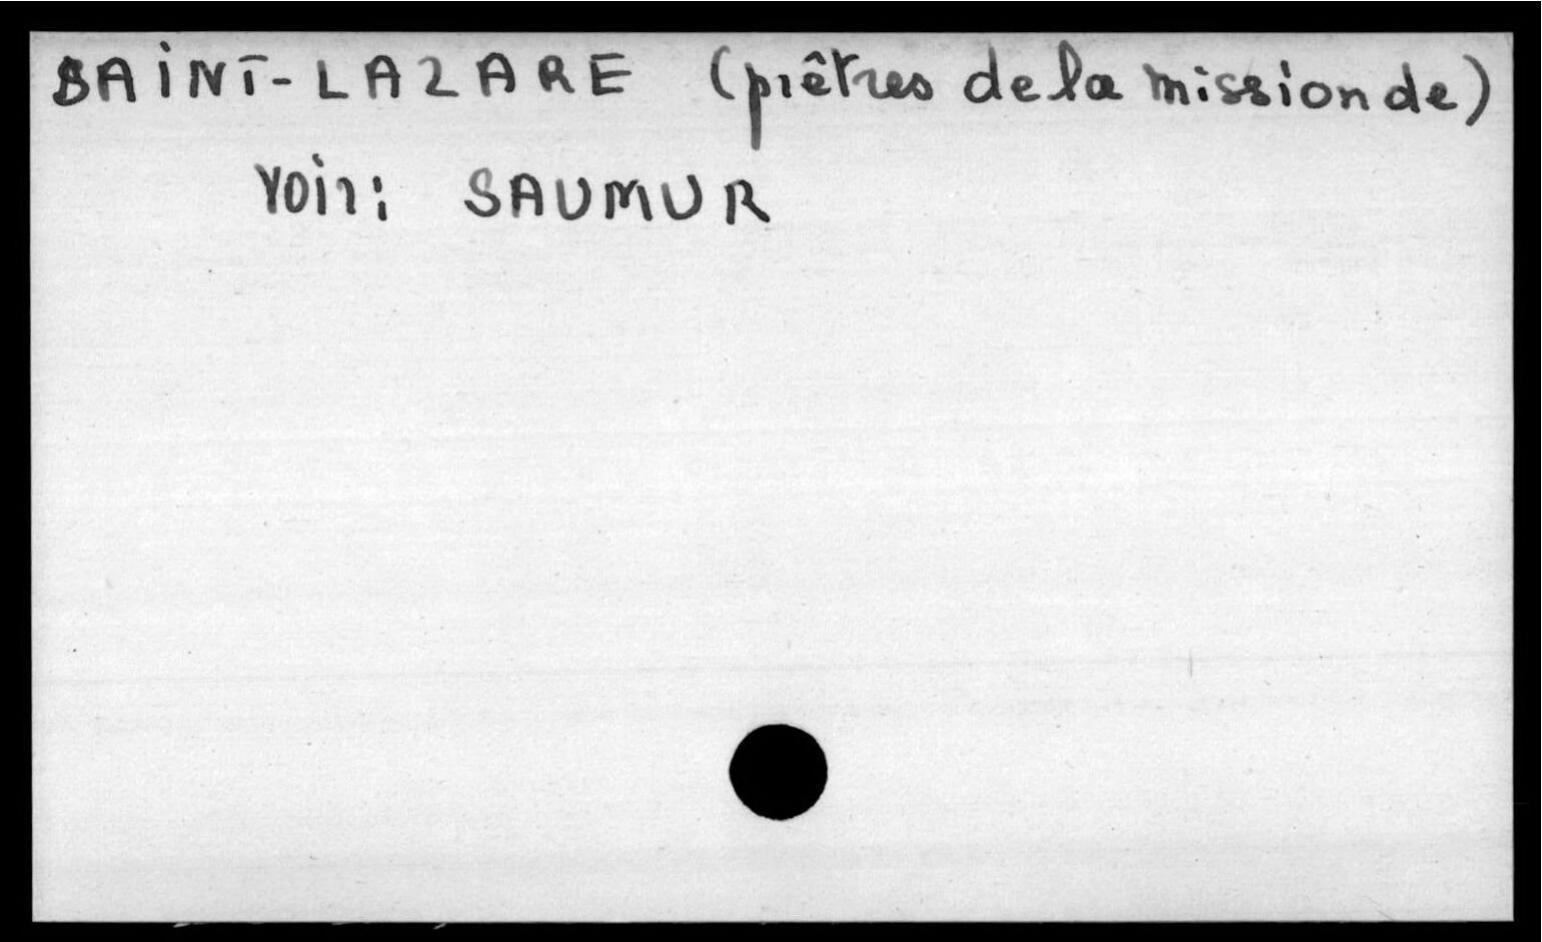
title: SAINT-LAZARE (prêtres de la mission de) Voir : SAUMUR
